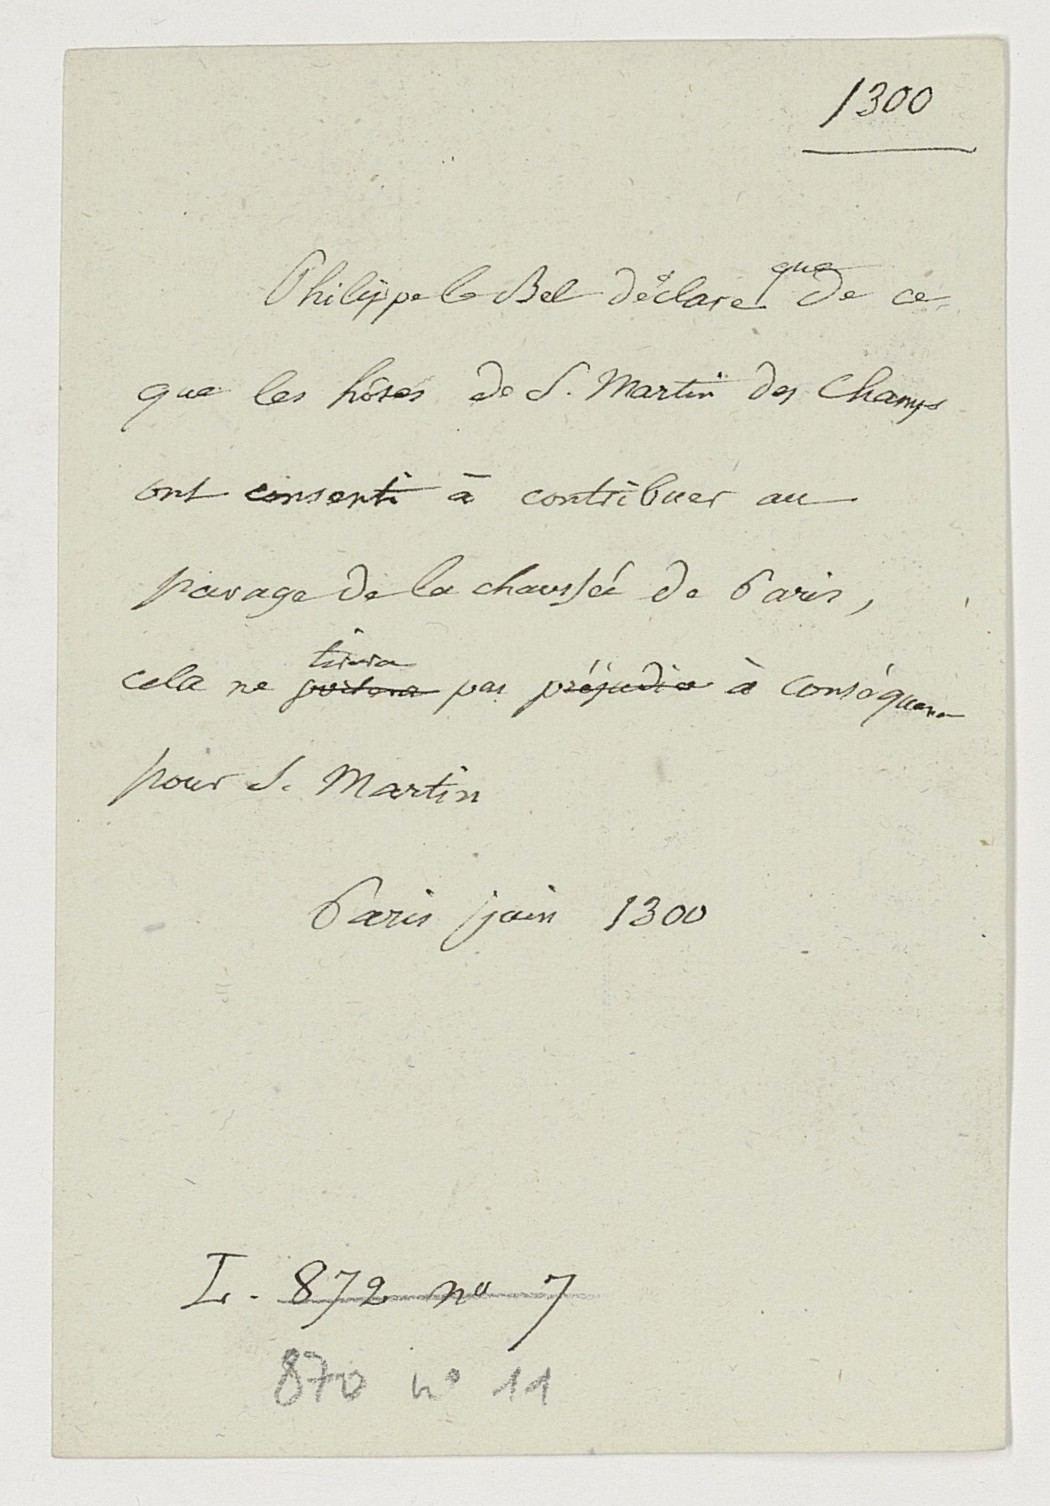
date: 1300
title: Philippe le Bel déclare que de ce que les hôtes de Saint-Martin des Champs ont consenti à contribuer au pavage de la chaussée de Paris, cela ne tirera pas conséquence pour Saint-Martin.
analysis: Paris juin 1300
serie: L
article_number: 870
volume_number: n° 11
